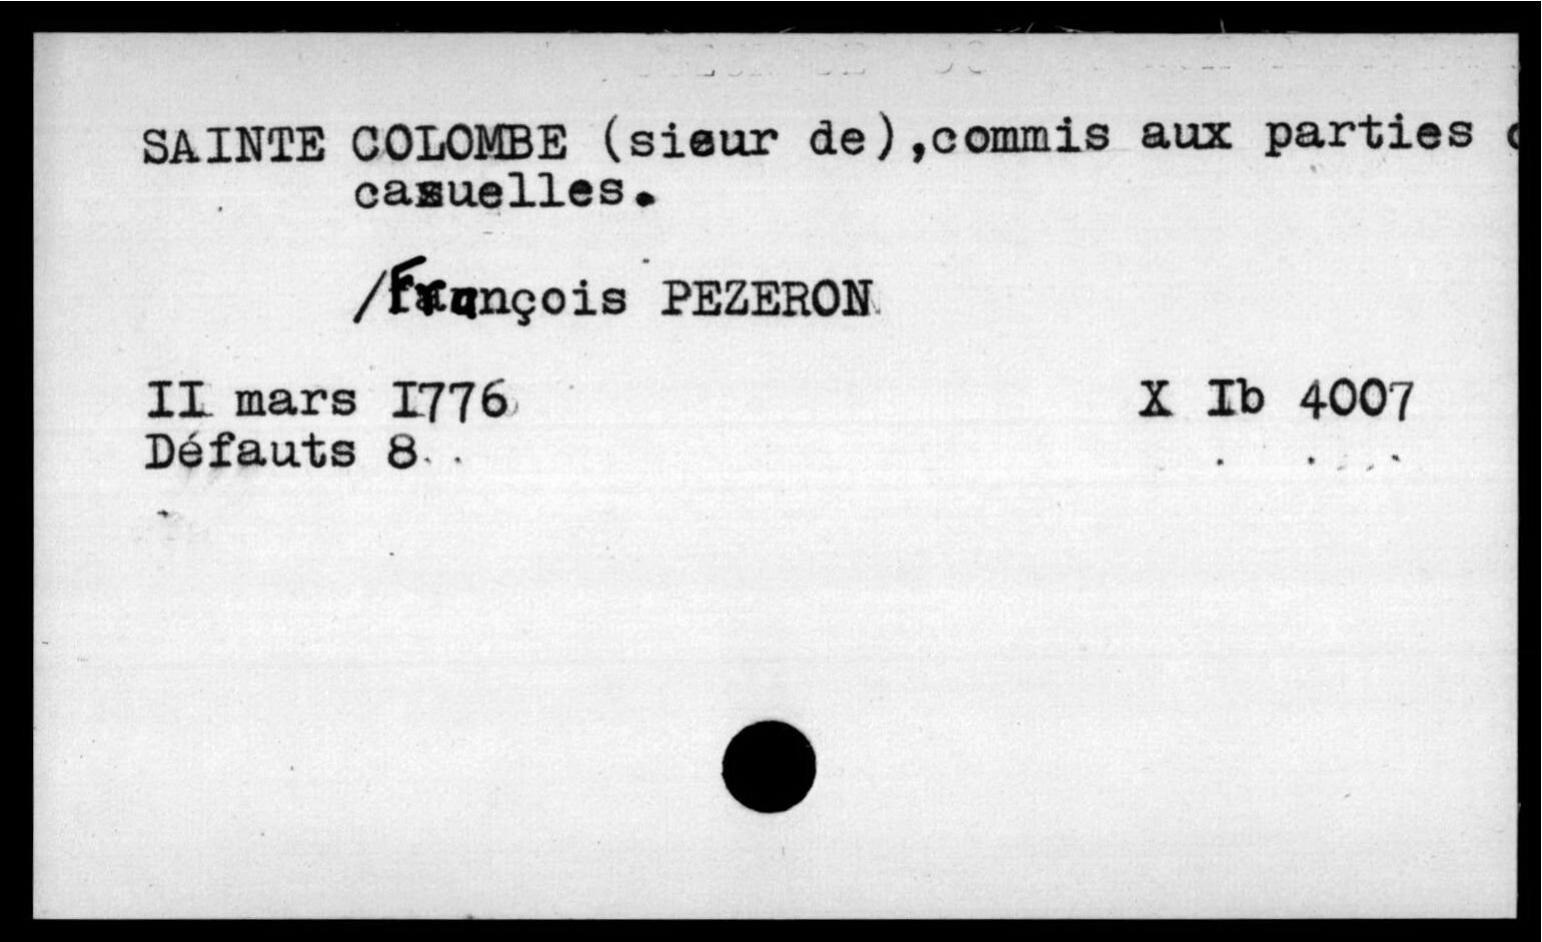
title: SAINTE COLOMBE (sieur de), commis aux parties casuelles.
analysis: Contre François PEZERON
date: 11 mars 1776
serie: X1b
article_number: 4007
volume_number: Défauts, 8
